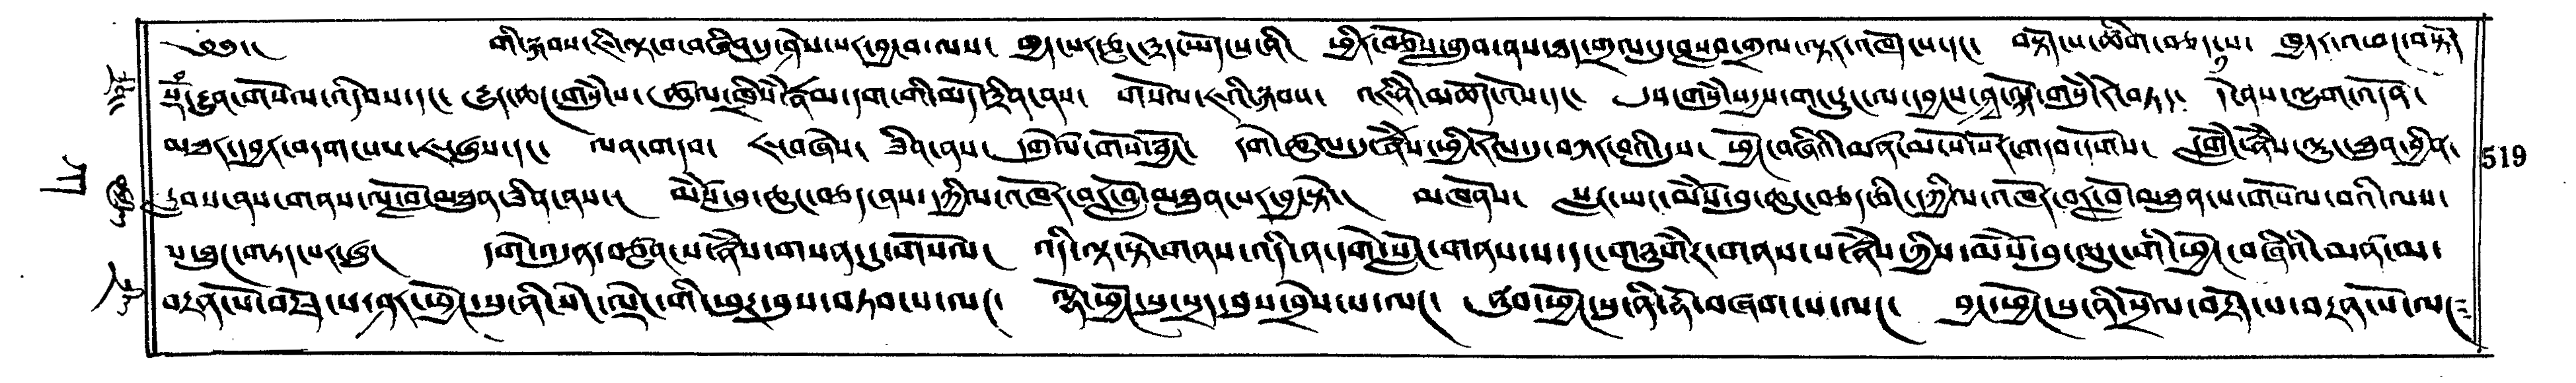གི་སྐབས་ཇི་ལྟ་བ་བཞིན་དུ་ཤེས་པར་བྱ་བ་ལས། ཁྱད་པར་ཅུང་ཟད་ཡོད་པ་ནི། ཕྱིར་བཅོས་གྲུབ་ནས་ཐད་གྲལ་དུ་བསླབ་གྲལ་ལྟར་འཁོད་པ་དང་། བསྟོད་པ་ཚིགས་བཅད་གཅིག་པ། ཁྱད་པར་འཕགས་བསྟོད། 
སྡོམ་རྒྱུན་གསོལ་འདེབས་དང་། རྒྱུན་ཆགས་གསུམ་པ། ཚུལ་ཁྲིམས་རྣམ་དག་གི་མདོ་ཟིན་ནས། གསོལ་ཇའི་སྐབས། འཇིག་རྟེན་མཆོད་འོས་དང་། དུས་གསུམ་སངས་རྒྱས་གང་རུང་ལ་དབྱངས་ཤོ་ལོ་ཀ་གསུམ་རེ་བཏང་། དེ་ནས་ལྷུག་འདོན་
མཐར་དབྱར་བདག་པས་ཇ་ཞུས་དང་། ལན་གདབ། ཇ་བཞེས་ཟིན་ནས། དགེ་ཚུལ་གསོ་སྦྱོང་། དགེ་ཚུལ་རྣམས་ཕྱི་རོལ་དུ་བཀར་བའི་དུས། ཕྱོགས་བཞིའི་མཚན་མ་སོ་སོར་གདབ་དགོས། དགེ་སློང་རྣམས་ལྟུང་ཐུན་བྱིན་
བརླབ་ནས་གནས་ལ་བློ་མཐུན་ཟིན་ནས། མཚམས་བུ་ཆུང་བཅད་ནས་དཀྱིལ་འཁོར་བར་བློ་མཐུན་པར་བྱ་སྟེ། མཁན་པོས། སླར་ཡང་མཚམས་བུ་ཆུང་བཅད་ཅིང་དཀྱིལ་འཁོར་བར་བློ་མཐུན་པ་གསོལ་བའི་ལས་
པ་ཐུགས་གཏད་པར་ཞུ། དགེ་འདུན་བཙུན་པ་རྣམས་གསན་དུ་གསོལ། འདི་ལྟ་སྟེ་གནས་འདི་ན་དགེ་སློང་གནས་པ་དང་གཉུག་མར་གནས་པ་རྣམས་ཀྱིས་མཚམས་བུ་ཆུང་གི་ཕྱོགས་བཞིའི་མཚན་མ་
བརྟན་པོ་བརྗོད་པ་ཤར་ཕྱོགས་སུ་ནི་སེང་ལྡེང་གི་ཕུར་བུས་བཏབ་པ་ལགས། ལྷོ་ཕྱོགས་སུ་སྲད་བུས་བྲེས་པ་ལགས། ནུབ་ཕྱོགས་སུ་ནི་རྡོ་བཞག་པ་ལགས། བྱང་ཕྱོགས་སུ་ནི་སྲོལ་བཏོད་པ་བརྟན་པོ་ལགས་